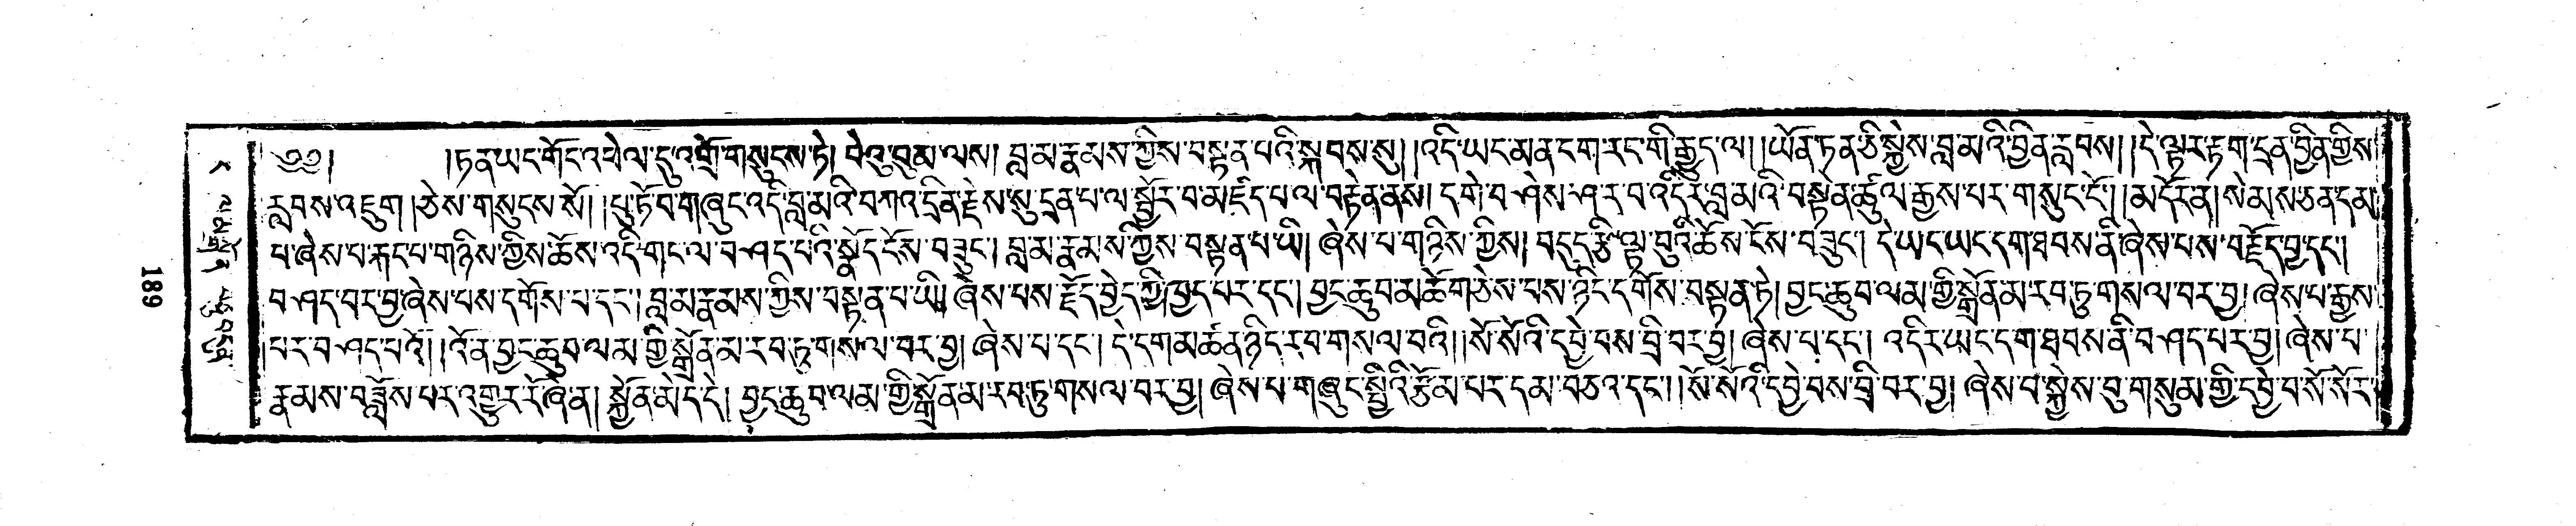༄༅། །ཏན་ཡང་གོང་འཕེལ་དུ་འགྲོ་གསུངས་ཏེ། བེའུ་བུམ་ལས། བླ་མ་རྣམས་ཀྱིས་བསྟན་པའི་སྐབས་སུ། །འདི་ཡང་མན་ངག་རང་གི་རྒྱུད་ལ། །ཡོན་ཏན་ཅི་སྐྱེས་བླ་མའི་བྱིན་རླབས། །དེ་ལྟར་རྟག་དྲན་བྱིན་གྱིས་
རླབས་འཇུག །ཅེས་གསུངས་སོ། །པུ་ཏོ་བ་གཞུང་འདི་བླ་མའི་བཀའ་དྲིན་རྗེས་སུ་དྲན་པ་ལ་སྦྱོར་བ་མཛད་པ་ལ་བརྟེན་ནས། དགེ་བཤེས་ཤ་ར་བ་འདིར་བླ་མའི་བསྟེན་ཚུལ་རྒྱས་པར་གསུང་ངོ། །མདོར་ན། སེམས་ཅན་དམ་
པ་ཞེས་པ་རྐང་པ་གཉིས་ཀྱིས་ཆོས་འདི་གང་ལ་བཤད་པའི་སྣོད་ངོས་བཟུང་། བླ་མ་རྣམས་ཀྱིས་བསྟན་པ་ཡི། ཞེས་པ་གཉིས་ཀྱིས། བདུད་རྩི་ལྟ་བུའི་ཆོས་ངོས་བཟུང་། དེ་ཡང་ཡང་དག་ཐབས་ནི་ཞེས་པས་བརྗོད་བྱ་དང་།
བཤད་པར་བྱ་ཞེས་པས་དགོས་པ་དང་། བླ་མ་རྣམས་ཀྱིས་བསྟན་པ་ཡི། ཞེས་པས་རྗོད་བྱེད་ཀྱི་ཁྱད་པར་དང་། བྱང་ཆུབ་མཆོག་ཅེས་པས་ཉིང་དགོས་བསྟན་ཏེ། བྱང་ཆུབ་ལམ་གྱི་སྒྲོན་མ་རབ་ཏུ་གསལ་བར་བྱ། ཞེས་པ་རྒྱས་
པར་བཤད་པའོ། །འོ་ན་བྱང་ཆུབ་ལམ་གྱི་སྒྲོན་མ་རབ་ཏུ་གསལ་བར་བྱ། ཞེས་པ་དང་། དེ་དག་མཚན་ཉིད་རབ་གསལ་བའི། །སོ་སོའི་དབྱེ་བས་བྲི་བར་བྱ། ཞེས་པ་དང་། འདིར་ཡང་དག་ཐབས་ནི་བཤད་པར་བྱ། ཞེས་པ་
རྣམས་བཟློས་པར་འགྱུར་རོ་ཞེ་ན། སྐྱོན་མེད་དེ། བྱང་ཆུབ་ལམ་གྱི་སྒྲོན་མ་རབ་ཏུ་གསལ་བར་བྱ། ཞེས་པ་གཞུང་སྤྱིའི་རྩོམ་པར་དམ་བཅའ་དང་། །སོ་སོའི་དབྱེ་བས་བྲི་བར་བྱ། ཞེས་པ་སྐྱེས་བུ་གསུམ་གྱི་དབྱེ་བ་སོ་སོར་